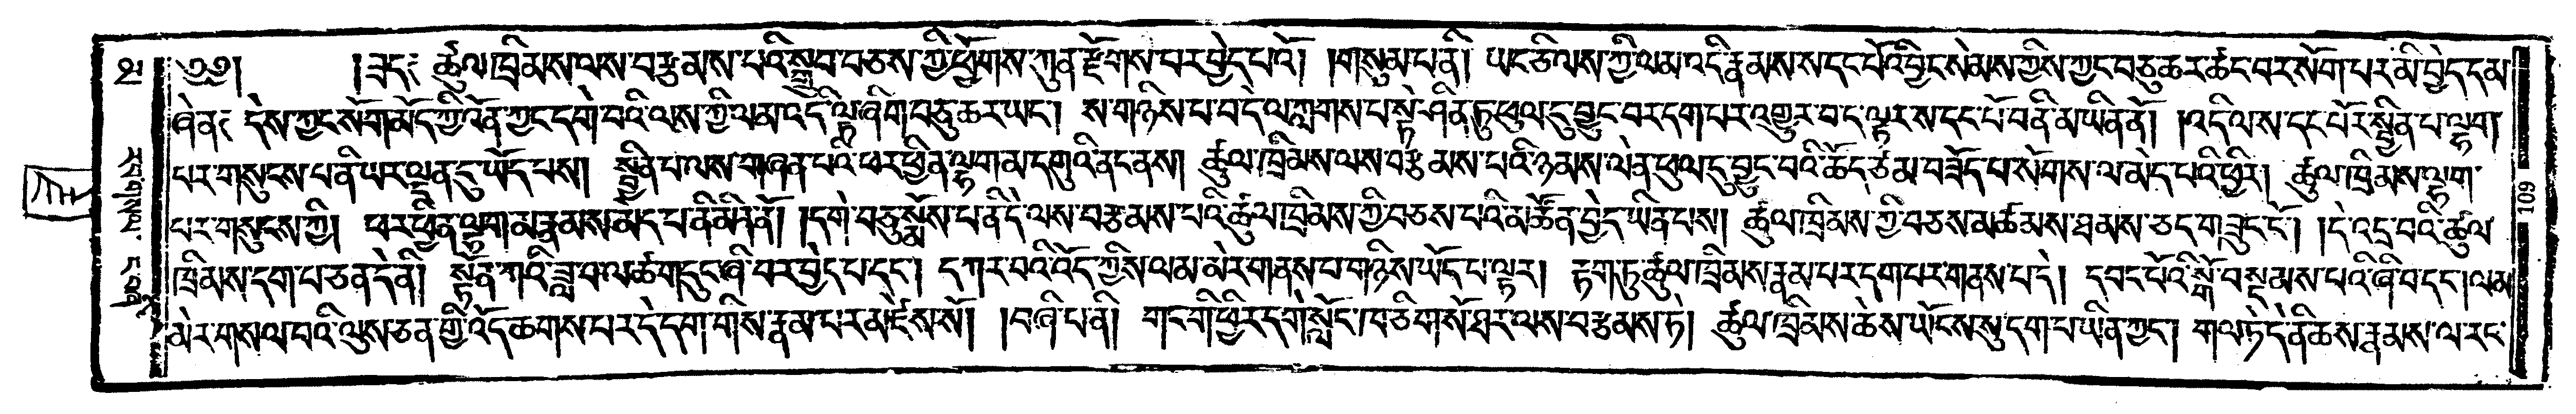༄༅། །ཟད། ཚུལ་ཁྲིམས་ལས་བརྩམས་པའི་སྒྲུབ་བཅས་ཀྱི་ཕྱོགས་ཀུན་རྫོགས་པར་བྱེད་པའོ། །གསུམ་པ་ནི། ཡང་ཅི་ལས་ཀྱི་ལམ་འདི་རྣམས་ས་དང་པོའི་བྱང་སེམས་ཀྱིས་ཀྱང་བཅུ་ཆར་ཚང་བར་སོག་པར་མི་བྱེད་དམ་
ཞེ་ན༑ དེས་ཀྱང་སོག་མོད་ཀྱི་འོན་ཀྱང་དགེ་བའི་ལས་ཀྱི་ལམ་འདི་ལྟ་ཞིག་བཅུ་ཆར་ཡང་། ས་གཉིས་པ་བ་དེ་ལ་ཀླགས་པ་སྟེ་ཤིན་ཏུ་ཕུལ་དུ་བྱུང་བར་དག་པར་འགྱུར་བ་དེ་ལྟར་ས་དང་པོ་བ་ནི་མ་ཡིན་ནོ། །འདི་ལ་ས་དང་པོར་སྦྱིན་པ་ལྷག་
པར་གསུངས་པ་ནི་ཡར་ལྡན་དུ་ཡོད་པས། སྦྱིན་པ་ལས་གཞན་པའི་ཕར་ཕྱིན་ལྷག་མ་དགུའི་ནང་ནས། ཚུལ་ཁྲིམས་ལས་བརྩམས་པའི་ཉམས་ལེན་ཕུལ་དུ་བྱུང་བའི་ཚོད་ཙམ་བཟོད་པ་སོགས་ལ་མེད་པའི་ཕྱིར། ཚུལ་ཁྲིམས་ལྷག་
པར་གསུངས་ཀྱི། ཕར་ཕྱིན་ལྷག་མ་རྣམས་མེད་པ་ནི་མིན་ནོ། །དགེ་བཅུ་སྨོས་པ་ནི་དེ་ལས་བརྩམས་པའི་ཚུལ་ཁྲིམས་ཀྱི་བཅས་པའི་མཚོན་བྱེད་ཡིན་པས། ཚུལ་ཁྲིམས་ཀྱི་བཅས་མཚམས་ཐམས་ཅད་གཟུང་ངོ། །དེ་འདྲ་བའི་ཚུལ་
ཁྲིམས་དག་པ་ཅན་དེ་ནི། སྟོན་ཀའི་ཟླ་བ་ལ་ཚ་གདུང་ཞི་བར་བྱེད་པ་དང་། དཀར་བའི་འོད་ཀྱིས་ལམ་མེར་གནས་པ་གཉིས་ཡོད་པ་ལྟར། རྟག་ཏུ་ཚུལ་ཁྲིམས་རྣམ་པར་དག་པར་གནས་པ་དེ། དབང་པོའི་སྒོ་བསྡམས་པའི་ཞི་བ་དང་། ལམ་
མེར་གསལ་བའི་ལུས་ཅན་གྱི་འོད་ཆགས་པར་དེ་དག་གིས་རྣམ་པར་མཛེས་སོ། །བཞི་པ་ནི། གང་གི་ཕྱིར་དགེ་སློང་ཁ་ཅིག་སོ་ཐར་ལས་བརྩམས་ཏེ། ཚུལ་ཁྲིམས་ཆེས་ཡོངས་སུ་དག་པ་ཡིན་ཀྱང་། གལ་ཏེ་དེ་ནི་ཆོས་རྣམས་ལ་རང་